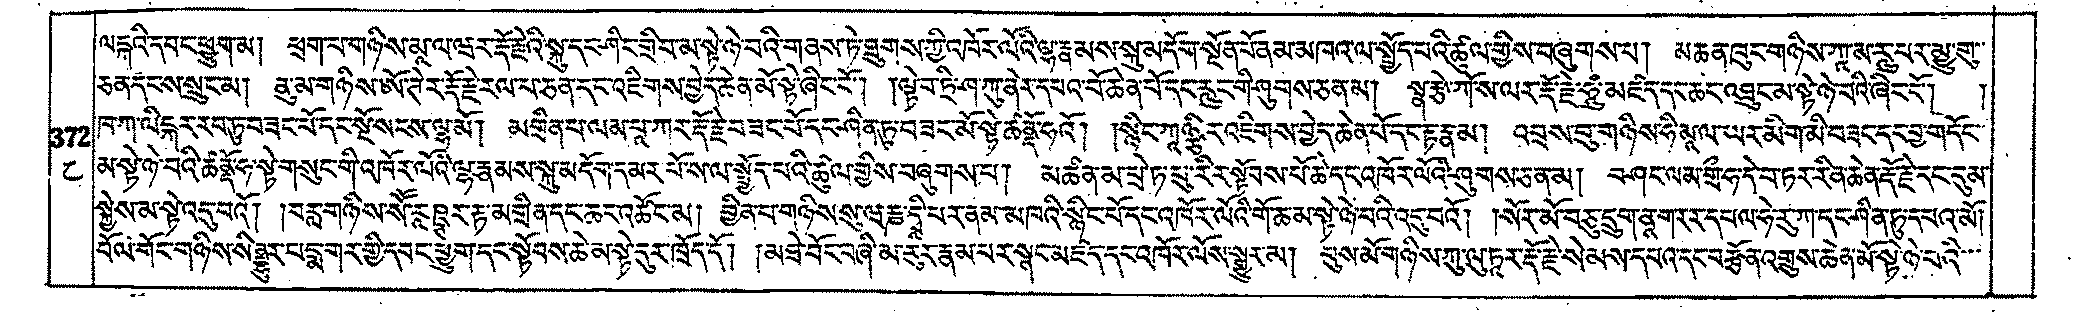ལངྐའི་དབང་ཕྱུག་མ། ཕྲག་པ་གཉིས་མཱ་ལ་ཝར་རྡོ་རྗེའི་སྐུ་དང་ཤིང་གྲིབ་མ་སྟེ་ཉེ་བའི་གནས་ཏེ་ཐུགས་ཀྱི་འཁོར་ལོའི་ལྷ་རྣམས་སྐུ་མདོག་སྔོན་པོ་ནམ་མཁའ་ལ་སྤྱོད་པའི་ཚུལ་གྱིས་བཞུགས་པ། མཆན་ཁུང་གཉིས་ཀཱ་མ་རཱུ་པར་མྱུ་གུ་་་
ཅན་དང་ས་སྲུང་མ། ནུ་མ་གཉིས་ཨོ་ཊེར་རྡོ་རྗེ་རལ་པ་ཅན་དང་འཇིགས་བྱེད་ཆེན་མོ་སྟེ་ཞིང་ངོ། །ལྟེ་བ་ཏྲི་ཤ་ཀུ་ནེར་དཔའ་བོ་ཆེན་པོ་དང་རླུང་གི་ཤུགས་ཅན་མ། སྣ་རྩེ་ཀོ་ས་ལར་རྡོ་རྗེ་ཧཱུཾ་མཛད་དང་ཆང་འཐུང་མ་སྟེ་ཉེར་བའི་ཞིང་ངོ། །
ཁ་ཀ་ལིངྐ་རབ་ཏུ་བཟང་པོ་དང་སྔོ་སངས་ལྷ་མོ། མགྲིན་པ་ལམ་པཱ་ཀར་རྡོ་རྗེ་བཟང་པོ་དང་ཤིན་ཏུ་བཟང་མོ་སྟེ་ཚནྡོ་ཧའོ། །སྙིང་ཀཱཉྩིར་འཇིགས་བྱེད་ཆེན་པོ་དང་རྟ་རྣ་མ། འབྲས་བུ་གཉིས་ཧི་མཱ་ལ་ཡར་མིག་མི་བཟང་དང་བྱ་གདོང་་་
མ་སྟེ་ཉེ་བའི་ཚནྡོ་ཧ་སྟེ་གསུང་གི་འཁོར་ལོའི་ལྷ་རྣམས་སྐུ་མདོག་དམར་པོ་ས་ལ་སྤྱོད་པའི་ཚུལ་གྱིས་བཞུགས་པ། མཚན་མ་པྲེ་ཏ་པུ་རིར་སྟོབས་པོ་ཆེ་དང་འཁོར་ལོའི་ཤུགས་ཅན་མ། བཤང་ལམ་གྲྀ་ཧ་དེ་བ་ཏར་རིན་ཆེན་རྡོ་རྗེ་དང་དུམ་
སྐྱེས་མ་སྟེ་འདུ་བའོ། །བྲལ་གཉིས་སཽ་རཱཥྚར་རྟ་མགྲིན་དང་ཆང་འཚོང་མ། བྱིན་པ་གཉིས་སུ་ཝརྞ་དྭཱི་པར་ནམ་མཁའི་སྙིང་པོ་དང་འཁོར་ལོའི་གོ་ཆ་མ་སྟེ་ཉེ་བའི་འདུ་བའོ། །སོར་མོ་བཅུ་དྲུག་ནཱ་ག་རར་དཔལ་ཧེ་རུ་ཀ་དང་ཤིན་ཏུ་དཔའ་མོ།
བོལ་གོང་གཉིས་སིནྡྷུར་པདམ་གར་གྱི་དབང་ཕྱུག་དང་སྟོབས་ཆེ་མ་སྟེ་དུར་ཁྲོད་དོ། །མཐེ་བོང་བཞི་མ་རུར་རྣམ་པར་སྣང་མཛད་དང་འཁོར་ལོས་སྒྱུར་མ། པུས་མོ་གཉིས་ཀུ་ལུ་ཏཱར་རྡོ་རྗེ་སེམས་དཔའ་དང་བརྩོན་འགྲུས་ཆེན་མོ་སྟེ་ཉེ་བའི་་་